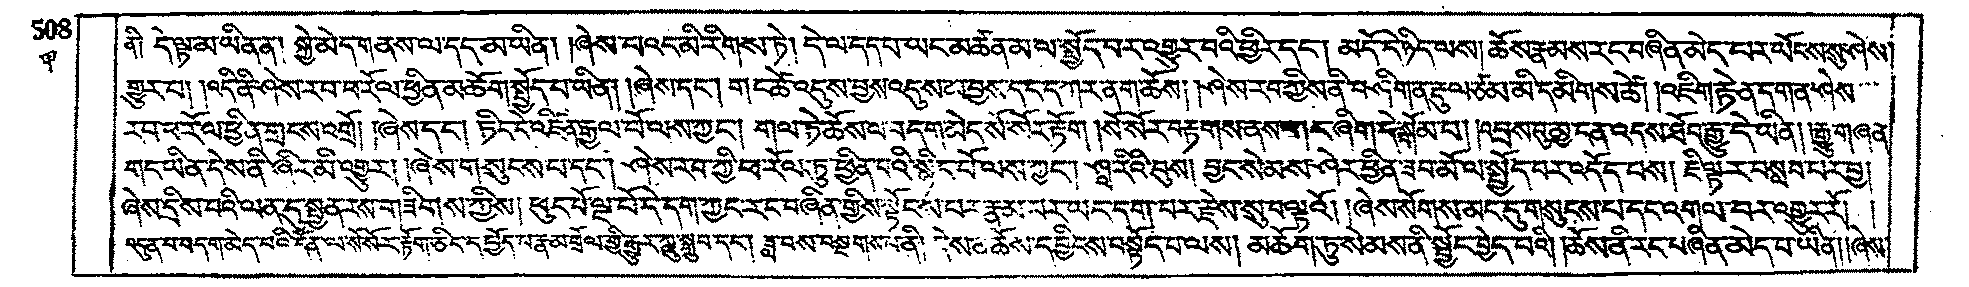ནི༑ དེ་ལྟ་མ་ཡིན་ན་སྐྱེ་མེད་གནས་ལ་དད་མ་ཡིན། །ཞེས་པའང་མི་རིགས་ཏེ། དེ་ལ་དད་པ་ཡང་མཚན་མ་ལ་སྤྱོད་པར་འགྱུར་བའི་ཕྱིར་དང་། མདོ་དེ་ཉིད་ལས། ཆོས་རྣམས་རང་བཞིན་མེད་པར་ཡོངས་སུ་ཤེས་
གྱུར་པ། །འདི་ནི་ཤེས་རབ་ཕ་རོལ་ཕྱིན་མཆོག་སྤྱོད་པ་ཡིན། །ཞེས་དང་། གང་ཚེ་འདུས་བྱས་འདུས་མ་བྱས་དང་དཀར་ནག་ཆོས། །ཤེས་རབ་ཀྱིས་ནི་བཤིག་ན་རྡུལ་ཙམ་མི་དམིགས་ཏྲེ། །འཇིག་རྟེན་དག་ན་ཤེས་
རབ་ཕ་རོལ་ཕྱིན་གྲངས་འགྲོ། །རྷེས་དང་། ཏིང་ངེ་འཛིན་རྒྱལ་པོ་ལས་ཀྱང་། གལ་ཏེ་ཆོས་ལ་བདག་མེད་སོ་སོར་རྟོག། སོ་སོར་བརྟགས་ནས་གང་ཞིག་དེ་སྒོམ་བ། འབྲས་བུ་མྱང་ངན་འདས་ཐོབ་རྒྱུད་དེ་ཡིན། རྒྱུད་གཞན་
གང་ཡིན་དེས་ནི་ཞིར་མི་འགྱུར། །ཤེས་རབ་ཀྱི་ཕ་རོལ་ཏུ་ཕྱིན་པའི་སྙིང་པོ་ལས་ཀྱང་། ཤཱ་རི་བཡས། བྱང་སེམས་ཤེར་ཕྱིན་ཟབ་མོ་ལ་སྤྱོད་པར་འདོད་པས། ཇི་ལྟར་བསླབ་པར་བྱ།
ཞེས་དྲིས་པའི་ལན་དུ་སྤྱན་རས་གཟིགས་ཀྱིས། ཕུང་པོ་ལྡང་པོ་དེ་དག་ཀྱང་རང་བཞིན་གྱིས་སྟོངས་པར་རྣམ་པར་ཡང་དང་པར་རྗེས་སུ་བལྟའོ། ཞེས་སོགས་མང་དུ་གསུངས་པ་དང་འགལ་པར་འགྱུར་རོ།།
བདུན་པ་བདག་མེད་པའི་དོན་ལ་སོ་སོར་རྟོག་ཅིང་དཔྱོད་པ་རྣམ་གྲོལ་གྱི་རྒྱུར་ཀླུ་སྒྲུབ་དང་། ཟླ་བས་བསྔགས་པ་ནི། དེས་ནི་ཆོས་དབྱིངས་བསྟོད་པ་ལས། མཆོག་ཏུ་སེམས་ནི་སྤྱོད་བྱེད་པའི། །ཆོས་ནི་རང་བཞིན་མེད་པ་ཡིན། ཞེས་